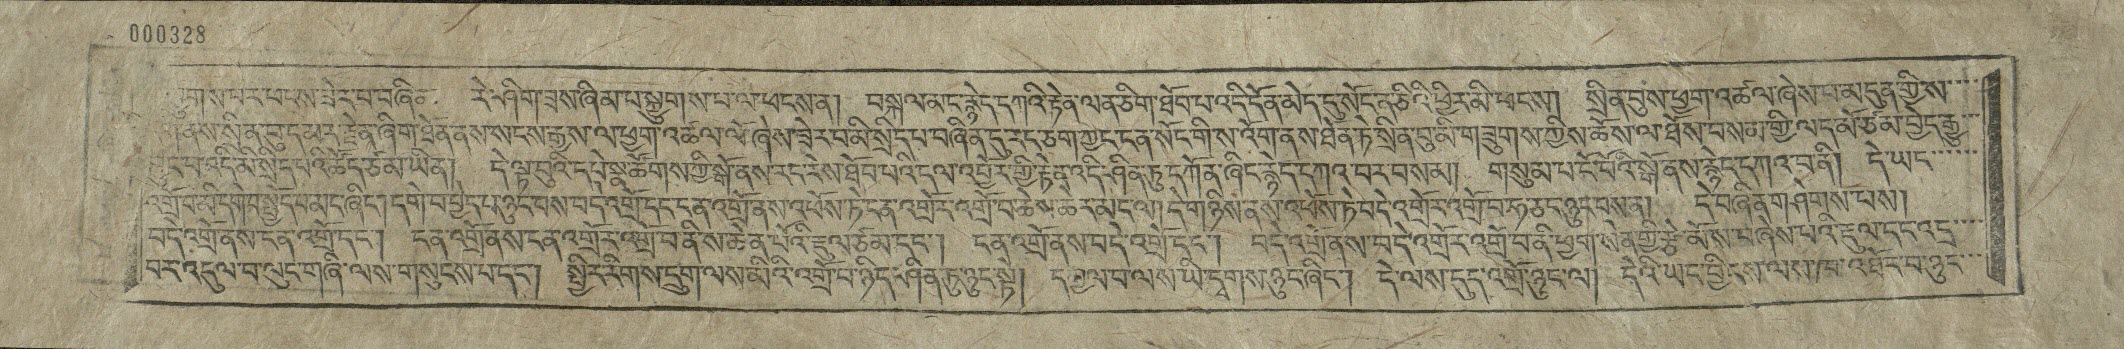པ་སྐྱུགས་པར་ཕངས་ཟེར་བ་བཞིན། རེ་ཤིག་ཟས་ཞིམ་པ་སྐྱུགས་པ་ལ་ཕངས་ན། བསྐལ་མང་རྙེད་དཀའི་རྟེན་ལན་ཅིག་ཐོབ་པ་འདི་དོན་མེད་དུ་སོང་ན་ཅིའི་ཕྱིར་མི་ཕངས། སྲིན་བུས་ཕྱག་འཚལ་ཞེས་པ་མདུན་གྱི་ས་
འོག་ནས་སྲིན་བུ་དམར་རྗེན་ཞིག་ཐོན་ནས་སངས་རྒྱས་ལ་ཕྱག་འཚལ་ལོ་ཞེས་ཟེར་བ་མི་སྲིད་པ་བཞིན་དུ་རང་ཅག་ཀྱང་ངན་སོང་གི་ས་འོག་ནས་ཐོན་ཏེ་སྲིན་བུ་མི་གཟུགས་ཀྱིས་ཆོས་ལ་ཐོས་བསམ་གྱི་ལད་མོ་ཙམ་བྱེད་རྒྱུ་
བྱུང་བ་འདི་མི་སྲིད་པའི་ཚོད་ཙམ་ཡིན། དེ་ལྟ་བུའི་དཔེ་སྣ་ཚོགས་ཀྱི་སྒོ་ནས་རང་རེས་ཐོབ་པའི་དལ་འབྱོར་གྱི་རྟེན་འདི་ཤིན་ཏུ་དཀོན་ཞིང་རྙེད་དཀའ་བར་བསམ། གསུམ་པ་ངོ་བོའི་སྒོ་ནས་རྙེད་དཀའ་བ་ནི། དེ་ཡང་
འགྲོ་བ་མི་དགེ་བ་སྤྱོད་པ་མང་ཞིང་། དགེ་བ་བྱེད་པ་ཉུང་བས་བདེ་འགྲོ་དང་ངན་འགྲོ་ནས་འཕོས་ཏེ་ངན་འགྲོར་འགྲོ་བ་ཆེས་ཆེར་མང་ལ། དེ་གཉིས་ནས་འཕོས་ཏེ་བདེ་འགྲོར་འགྲོ་བ་ཧ་ཅང་ཉུང་བས་ན། དེ་བཞིན་གཤེགས་པས།
བདེ་འགྲོ་ནས་ངན་འགྲོ་དང་། ངན་འགྲོ་ནས་ངན་འགྲོར་འགྲོ་བ་ནི་ས་ཆེན་པོའི་རྡུལ་ཙམ་དང་། ངན་འགྲོ་ནས་བདེ་འགྲོ་དང་། བདེ་འགྲོ་ནས་བདེ་འགྲོར་འགྲོ་བ་ནི་ཕྱག་སེན་གྱི་རྩེ་མོས་བཞེས་པའི་རྡུལ་དང་འདྲ་
བར་འདུལ་བ་ལུང་གཞི་ལས་གསུངས་པ་དང་། སྤྱིར་རིགས་དྲུག་ལས་མིའི་འགྲོ་བ་ཉིད་ཤིན་ཏུ་ཉུང་སྟེ། དམྱལ་བ་ལས་ཡི་དྭགས་ཉུང་ཞིང་། དེ་ལས་དུད་འགྲོ་ཉུང་ལ། དེའི་ཡང་བྱིངས་ལས་ཁ་འཐོར་བ་ཉུང་